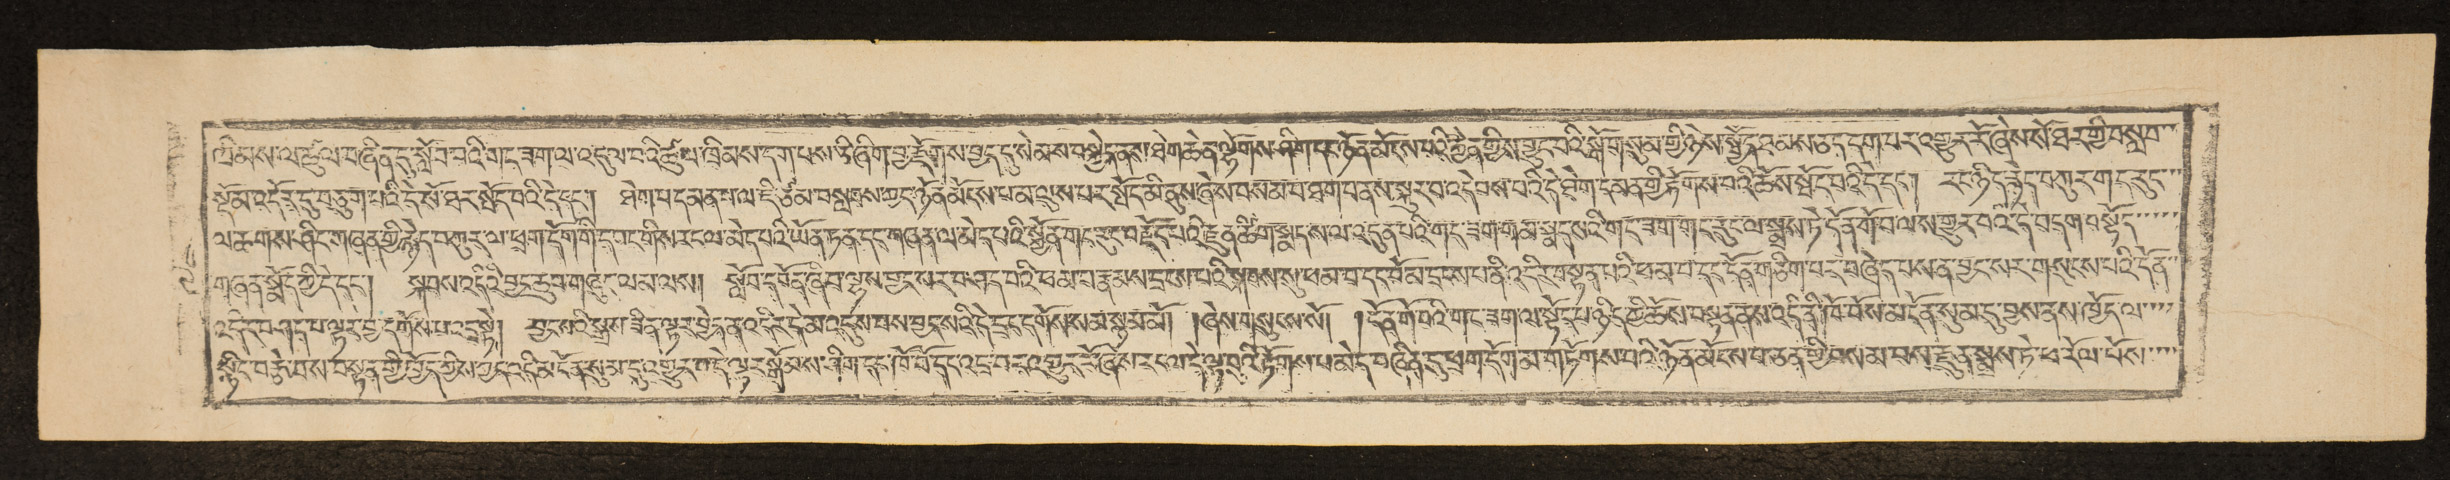ཁྲིམས་ལ་ཚུལ་བཞིན་དུ་སློབ་པའི་གང་ཟག་ལ་འདུལ་བའི་ཚུལ་ཁྲིམས་དག་པས་ཅི་ཞིག་བྱ་རྫོགས་བྱད་དུ་སེམས་བསྐྱེད་ནས་ཐེག་ཆེན་ལྷོགས་ཤིག་དང་ཉོན་མོངས་པའི་རྐྱེན་གྱིས་བྱུང་བའི་སྒོ་གསུམ་གྱི་ཉེས་སྤྱོད་ཐམས་ཅད་དག་པར་འགྱུར་རོ་ཞེས་སོ་ཐར་གྱི་བསླབ་
སྡོམ་འདོར་དུ་བཅུག་པའི་དེ་སོ་ཐར་སྤོད་པའི་དེ་དང་། ཐེག་པ་དམན་པ་ལ་ཇི་ཙམ་བསླབས་ཀྱང་ཉོན་མོངས་པ་མ་ལུས་པར་སྤོད་མི་ནུས་ཞེས་བསམ་པ་ཐག་པ་ནས་སྐུར་བ་འདེབས་པའི་དེ་ཐེག་དམན་གྱི་རྟོགས་པའི་ཆོས་སྤོང་བའི་དེ་དང་། རང་ཉིད་རྙེད་བཀུར་གང་རུང་
ལ་ཆགས་ཤིང་གཞན་གྱི་རྙེད་བཀུར་ལ་ཕྲག་དོག་གི་དབང་གིས་རང་ལ་མེད་པའི་ཡོན་ཏན་དང་གཞན་ལ་མེད་པའི་སྐྱོན་གང་རུང་བརྗོད་པའི་རྫུན་ཚིག་སྨད་ས་ལ་འདུན་པའི་གང་ཟག་མ་སྨད་པའི་གང་ཟག་གང་རུང་ལ་སྨྲས་ཏེ་དོན་གོ་བ་ལས་གྱུར་བའི་དེ་བདག་བསྟོད་
གཞན་སྨོད་ཀྱི་དེ་དང་། སྐབས་འདིའི་བྱང་ཆུབ་གཞུང་ལམ་ལས། སློབ་དཔོན་ཞིབ་ལྷས་བྱང་པར་བཤད་པའི་ཕམ་པ་རྣམས་དྲངས་པའི་སྐབས་སུ་ཕམ་པ་དང་པོ་མ་དྲངས་པ་ནི་འདིར་བསྟན་པའི་ཕམ་པ་དང་དོན་གཅིག་པར་བཞེད་པས་ན་བྱང་སར་གསུངས་པའི་དོན་
འདིར་བཤད་པ་ལྟར་བྱ་དགོས། བྱང་པའི་སྒྲས་ཟིན་ལྟར་བྱེད་ན་འདིར་དེ་མ་འདུས་པས་བྱད་སའི་དེ་དྲང་དགོས་སམ་སྙམ་མོ། །ཞེས་གསུངས་སོ། །དོན་གོ་བའི་གང་ཟག་ལ་སྟོད་པ་ཉིད་ཀྱི་ཆོས་བསྟན་ནས་འདི་ནི་ཁོ་བོས་མངོན་སུམ་དུ་བྱས་ནས་ཁྱོད་ལ་
སྙིང་བརྩེ་བས་བསྟན་གྱི་ཁྱོད་ཀྱིས་ཀྱང་འདི་མངོན་སུམ་དུ་འགྱུར་བ་དེ་ལྟར་སྒོམས་ཤིག་དང་ཁོ་བོ་དང་འདྲ་བར་འགྱུར་རོ་ཞེས་རང་ལ་དེ་ལྟ་བུའི་རྟོགས་པ་མེད་བཞིན་དུ་ཕྲག་དོག་མ་གཏོགས་པའི་ཉོན་མོངས་པ་ཅན་གྱི་བསམ་པས་རྫུན་སྨྲས་ཏེ་ཕ་རོལ་པོས་